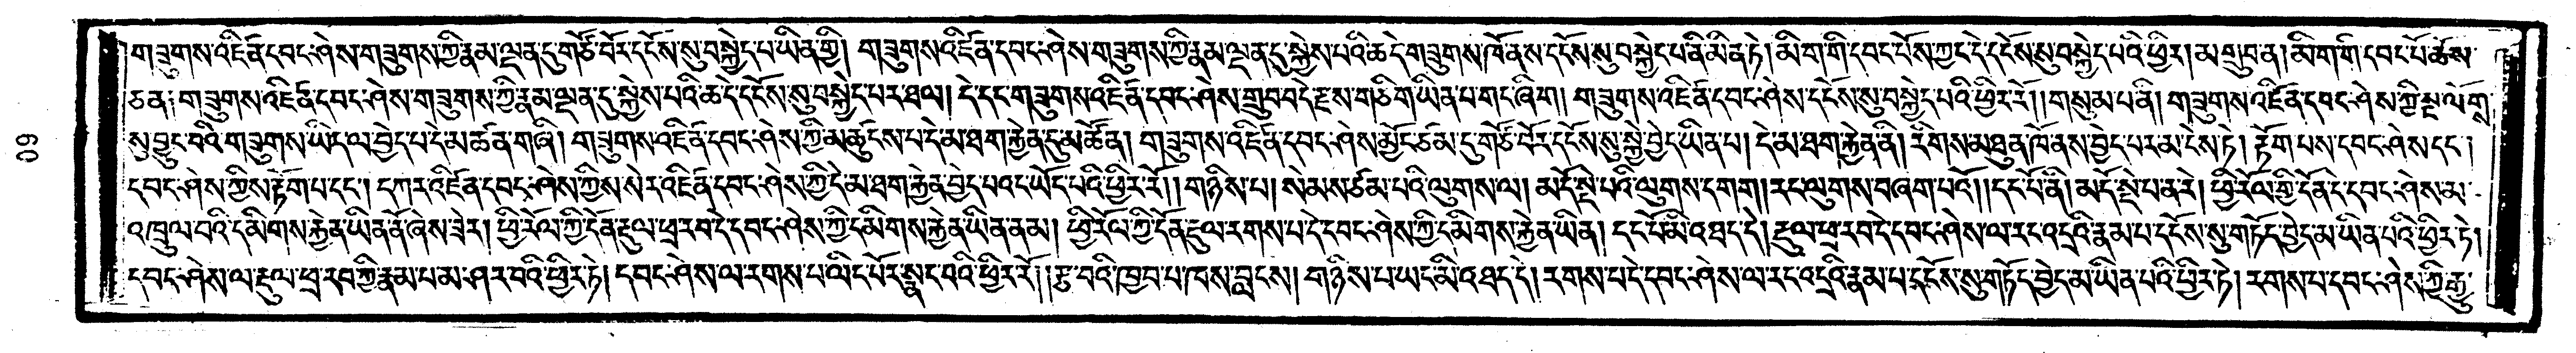གཟུགས་འཛིན་དབང་ཤེས་གཟུགས་ཀྱི་རྣམ་ལྡན་དུ་གཙོ་བོར་དངོས་སུ་བསྐྱེད་པ་ཡིན་གྱི། གཟུགས་འཛིན་དབང་ཤེས་གཟུགས་ཀྱི་རྣམ་ལྡན་དུ་སྐྱེས་པའི་ཆ་དེ་གཟུགས་ཁོ་ནས་དངོས་སུ་བསྐྱེད་པ་ནི་མིན་ཏེ། མིག་གི་དབང་པོས་ཀྱང་དེ་དངོས་སུ་བསྐྱེད་པའི་ཕྱིར། མ་གྲུབ་ན། མིག་གི་དབང་པོ་ཆོས་
ཅན༑ གཟུགས་འཛིན་དབང་ཤེས་གཟུགས་ཀྱི་རྣམ་ལྡན་དུ་སྐྱེས་པའི་ཆ་དེ་དངོས་སུ་བསྐྱེད་པར་ཐལ། དེ་དང་གཟུགས་འཛིན་དབང་ཤེས་གྲུབ་བདེ་རྫས་གཅིག་ཡིན་པ་གང་ཞིག །གཟུགས་འཛིན་དབང་ཤེས་དངོས་སུ་བསྐྱེད་པའི་ཕྱིར་རོ། །གསུམ་པ་ནི། གཟུགས་འཛིན་དབང་ཤེས་ཀྱི་སྔ་ལོགས་
སུ་བྱུང་བའི་གཟུགས་ཡིད་ལ་བྱེད་པ་དེ་མཚན་གཞི། གཟུགས་འཛིན་དབང་ཤེས་ཀྱི་མཚུངས་པ་དེ་མ་ཐག་རྐྱེན་དུ་མཚོན། གཟུགས་འཛིན་དབང་ཤེས་མྱོང་ཙམ་དུ་གཙོ་བོར་དངོས་སུ་སྐྱེ་བྱེད་ཡིན་པ། དེ་མ་ཐག་རྐྱེན་ནི། རིགས་མཐུན་ཁོ་ནས་བྱེད་པར་མ་ངེས་ཏེ། རྟོག་པས་དབང་ཤེས་དང་།
དབང་ཤེས་ཀྱིས་རྟོག་པ་དང་། དཀར་འཛིན་དབང་ཤེས་ཀྱིས་སེར་འཛིན་དབང་ཤེས་ཀྱི་དེ་མ་ཐག་རྐྱེན་བྱེད་པའང་ཡོད་པའི་ཕྱིར་རོ། །གཉིས་པ། སེམས་ཙམ་པའི་ལུགས་ལ། མདོ་སྡེ་པའི་ལུགས་དགག །རང་ལུགས་བཞག་པའོ། །དང་པོ་ནི། མདོ་སྡེ་པ་ན་རེ། ཕྱི་རོལ་གྱི་དོན་དེ་དབང་ཤེས་མ་
འཁྲུལ་བའི་དམིགས་རྐྱེན་ཡིན་ནོ་ཞེས་ཟེར། ཕྱི་རོལ་ཀྱི་དོན་རྡུལ་ཕྲ་རབ་དེ་དབང་ཤེས་ཀྱི་དམིགས་རྐྱེན་ཡིན་ནམ། ཕྱི་རོལ་གྱི་དོན་རྡུལ་རགས་པ་དེ་དབང་ཤེས་ཀྱི་དམིགས་རྐྱེན་ཡིན། དང་པོ་མི་འཐད་དེ། རྡུལ་ཕྲ་རབ་དེ་དབང་ཤེས་ལ་རང་འདྲའི་རྣམ་པ་དངོས་སུ་གཏོད་བྱེད་མ་ཡིན་པའི་ཕྱིར་ཏེ།
དབང་ཤེས་ལ་རྡུལ་ཕྲ་རབ་ཀྱི་རྣམ་པ་མ་ཤར་བའི་ཕྱིར་ཏེ། དབང་ཤེས་ལ་རགས་པ་ལིང་པོར་སྣང་བའི་ཕྱིར་རོ། །རྩ་བའི་ཁྱབ་པ་ཁས་བླངས། གཉིས་པ་ཡང་མི་འཐད་དེ། རགས་པ་དེ་དབང་ཤེས་ལ་རང་འདྲའི་རྣམ་པ་དངོས་སུ་གཏོད་བྱེད་མ་ཡིན་པའི་ཕྱིར་ཏེ། རགས་པ་དབང་ཤེས་ཀྱི་རྒྱུ་